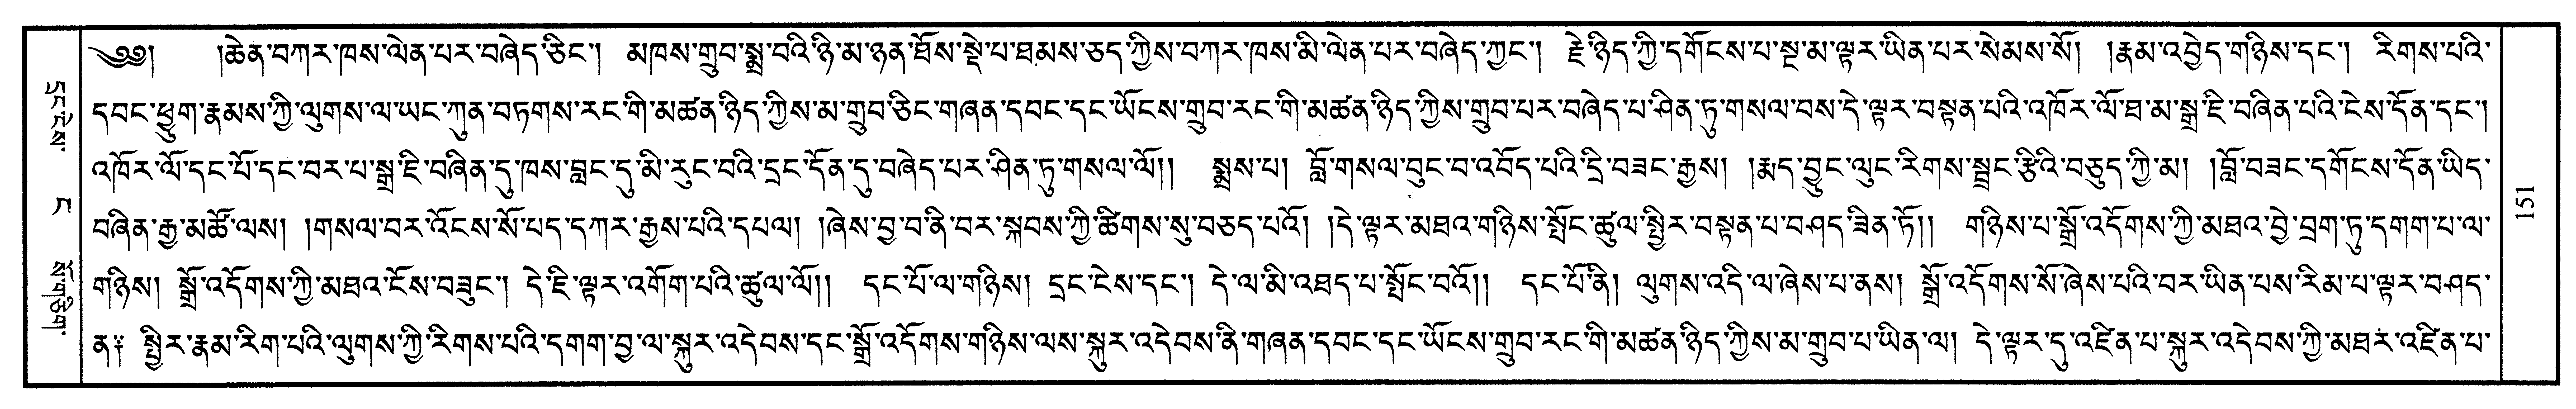༄༅། །ཆེན་བཀར་ཁས་ལེན་པར་བཞེད་ཅིང་། མཁས་གྲུབ་སྨྲ་བའི་ཉི་མ་ཉན་ཐོས་སྡེ་པ་ཐམས་ཅད་ཀྱིས་བཀར་ཁས་མི་ལེན་པར་བཞེད་ཀྱང་། རྗེ་ཉིད་ཀྱི་དགོངས་པ་སྔ་མ་ལྟར་ཡིན་པར་སེམས་སོ། །རྣམ་འབྱེད་གཉིས་དང་། རིགས་པའི་
དབང་ཕྱུག་རྣམས་ཀྱི་ལུགས་ལ་ཡང་ཀུན་བཏགས་རང་གི་མཚན་ཉིད་ཀྱིས་མ་གྲུབ་ཅིང་གཞན་དབང་དང་ཡོངས་གྲུབ་རང་གི་མཚན་ཉིད་ཀྱིས་གྲུབ་པར་བཞེད་པ་ཤིན་ཏུ་གསལ་བས་དེ་ལྟར་བསྟན་པའི་འཁོར་ལོ་ཐ་མ་སྒྲ་ཇི་བཞིན་པའི་ངེས་དོན་དང་།
འཁོར་ལོ་དང་པོ་དང་བར་པ་སྒྲ་ཇི་བཞིན་དུ་ཁས་བླང་དུ་མི་རུང་བའི་དྲང་དོན་དུ་བཞེད་པར་ཤིན་ཏུ་གསལ་ལོ།། སྨྲས་པ། བློ་གསལ་བུང་བ་འབོད་པའི་དྲི་བཟང་རྒྱས། །རྨད་བྱུང་ལུང་རིགས་སྦྲང་རྩིའི་བཅུད་ཀྱི་མ། །བློ་བཟང་དགོངས་དོན་ཡིད་
བཞིན་རྒྱ་མཚོ་ལས། །གསལ་བར་འོངས་སོ་པད་དཀར་རྒྱས་པའི་དཔལ། །ཞེས་བྱ་བ་ནི་བར་སྐབས་ཀྱི་ཚིགས་སུ་བཅད་པའོ། །དེ་ལྟར་མཐའ་གཉིས་སྤོང་ཚུལ་སྤྱིར་བསྟན་པ་བཤད་ཟིན་ཏོ།། གཉིས་པ་སྒྲོ་འདོགས་ཀྱི་མཐའ་བྱེ་བྲག་ཏུ་དགག་པ་ལ་
གཉིས། སྒྲོ་འདོགས་ཀྱི་མཐའ་ངོས་བཟུང་། དེ་ཇི་ལྟར་འགོག་པའི་ཚུལ་ལོ།། དང་པོ་ལ་གཉིས། དྲང་ངེས་དང་། དེ་ལ་མི་འཐད་པ་སྤོང་བའོ།། དང་པོ་ནི། ལུགས་འདི་ལ་ཞེས་པ་ནས། སྒྲོ་འདོགས་སོ་ཞེས་པའི་བར་ཡིན་པས་རིམ་པ་ལྟར་བཤད་
ན༑ སྤྱིར་རྣམ་རིག་པའི་ལུགས་ཀྱི་རིགས་པའི་དགག་བྱ་ལ་སྐུར་འདེབས་དང་སྒྲོ་འདོགས་གཉིས་ལས་སྐུར་འདེབས་ནི་གཞན་དབང་དང་ཡོངས་གྲུབ་རང་གི་མཚན་ཉིད་ཀྱིས་མ་གྲུབ་པ་ཡིན་ལ། དེ་ལྟར་དུ་འཛིན་པ་སྐུར་འདེབས་ཀྱི་མཐར་འཛིན་པ་